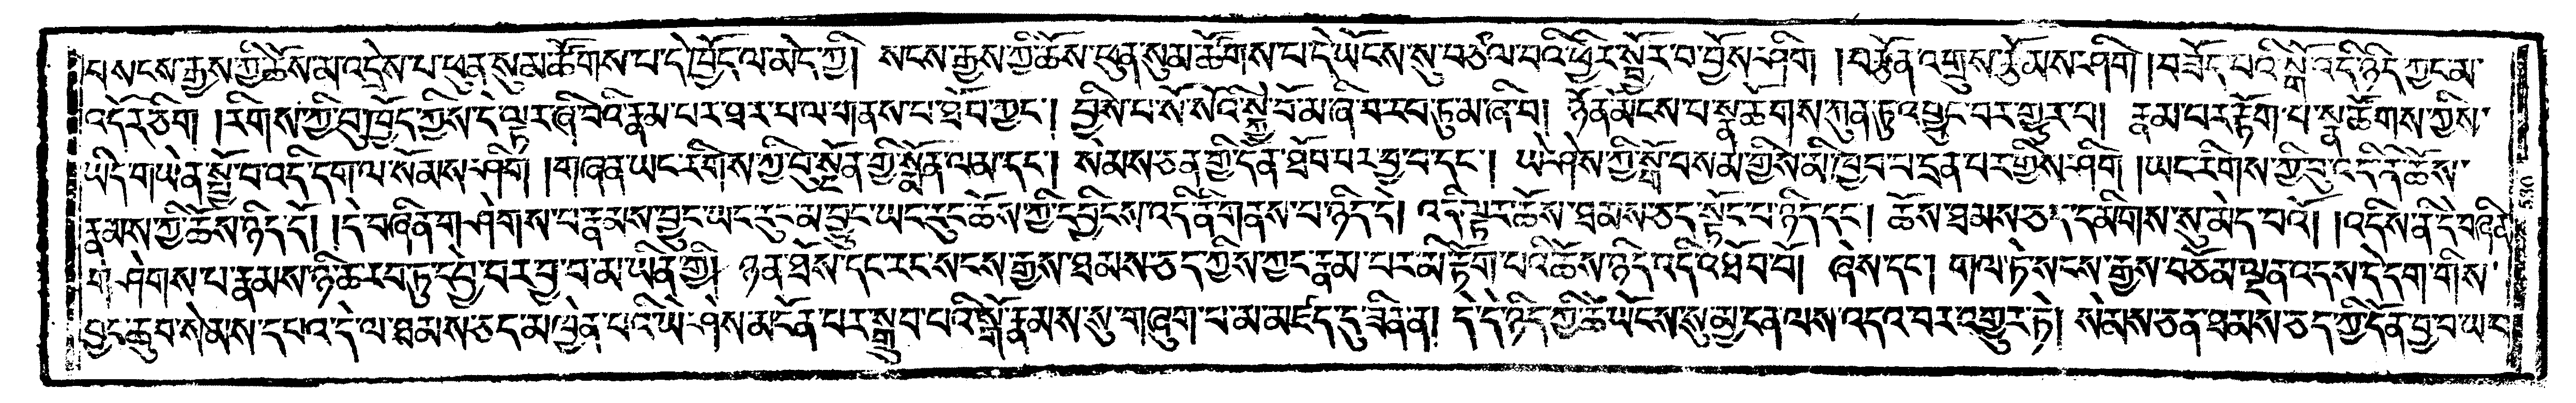པ་སངས་རྒྱས་ཀྱི་ཆོས་མ་འདྲེས་པ་ཕུན་སུམ་ཚོགས་པ་དེ་ཁྱོད་ལ་མེད་ཀྱི། སངས་རྒྱས་ཀྱི་ཆོས་ཕུན་སུམ་ཚོགས་པ་དེ་ཡོངས་སུ་བཙལ་བའི་ཕྱིར་སྦྱོར་བ་བྱོས་ཤིག །བརྩོན་འགྲུས་རྩོམས་ཤིག །བཟོད་པའི་སྒོ་འདི་ཉིད་ཀྱང་མ་
འདོར་ཅིག །རིགས་ཀྱི་བུ་ཁྱོད་ཀྱིས་དེ་ལྟར་ཞི་བའི་རྣམ་པར་ཐར་པ་ལ་གནས་པ་ཐོབ་ཀྱང་། བྱིས་པ་སོ་སོའི་སྐྱེ་བོ་མ་ཞི་བ་རབ་ཏུ་མ་ཞིག་བ། ཉོན་མོངས་པ་སྣ་ཚོགས་ཀུན་ཏུ་བྱུང་བར་གྱུར་པ། རྣམ་པར་རྟོག་པ་སྣ་ཚོགས་ཀྱིས་
ཡིད་གཡོན་སྤྱོ་བ་འདི་དག་ལ་སོམས་ཤིག །གཞན་ཡང་རིགས་ཀྱི་བུ་སྔོན་གྱི་སྨོན་ལམ་དང་། སེམས་ཅན་གྱི་དོན་ཐོབ་པར་བྱ་བ་དང་། ཡེ་ཤེས་ཀྱི་སྒོ་བསམ་གྱིས་མི་ཁྱབ་པ་དྲན་པར་གྱིས་ཤིག །ཡང་རིགས་ཀྱི་བུ་འདི་ནི་ཆོས་
རྣམས་ཀྱི་ཆོས་ཉིད་དོ། །དེ་བཞིན་གཤེགས་པ་རྣམས་བྱུང་ཡང་རུང་མ་བྱུང་ཡང་རུང་ཆོས་ཀྱི་དབྱིངས་འདི་ནི་གནས་པ་ཉིད་དོ། འདི་ལྟར་ཆོས་ཐམས་ཅད་སྟོང་པ་ཉིད་དང་། ཆོས་ཐམས་ཅད་དམིགས་སུ་མེད་པའོ། །འདིས་ནི་དེ་བཞིན་
གཤེགས་པ་རྣམས་ཉི་ཚེ་རབ་ཏུ་དབྱེ་བར་བྱ་བ་མ་ཡིན་གྱི། ཉན་ཐོས་དང་རང་སངས་རྒྱས་ཐམས་ཅད་ཀྱིས་ཀྱང་རྣམ་པར་མི་རྟོག་པའི་ཆོས་ཉིད་འདི་འཐོབ་བོ། ཞེས་དང་། གལ་ཏེ་སངས་རྒྱས་བཅོམ་ལྡན་འདས་དེ་དག་གིས་
བྱང་ཆུབ་སེམས་དཔའ་དེ་ལ་ཐམས་ཅད་མཁྱེན་པའི་ཡེ་ཤེས་མངོན་པར་སྒྲུབ་པའི་སྒོ་རྣམས་སུ་གཞུག་པ་མ་མཛད་དུ་ཟིན་ན། དེ་དེ་ཉིད་ཀྱི་ཚེ་ཡོངས་སུ་མྱ་ངན་ལས་འདའ་བར་འགྱུར་ཏེ། སེམས་ཅན་ཐམས་ཅད་ཀྱི་དོན་བྱ་བ་ཡང་